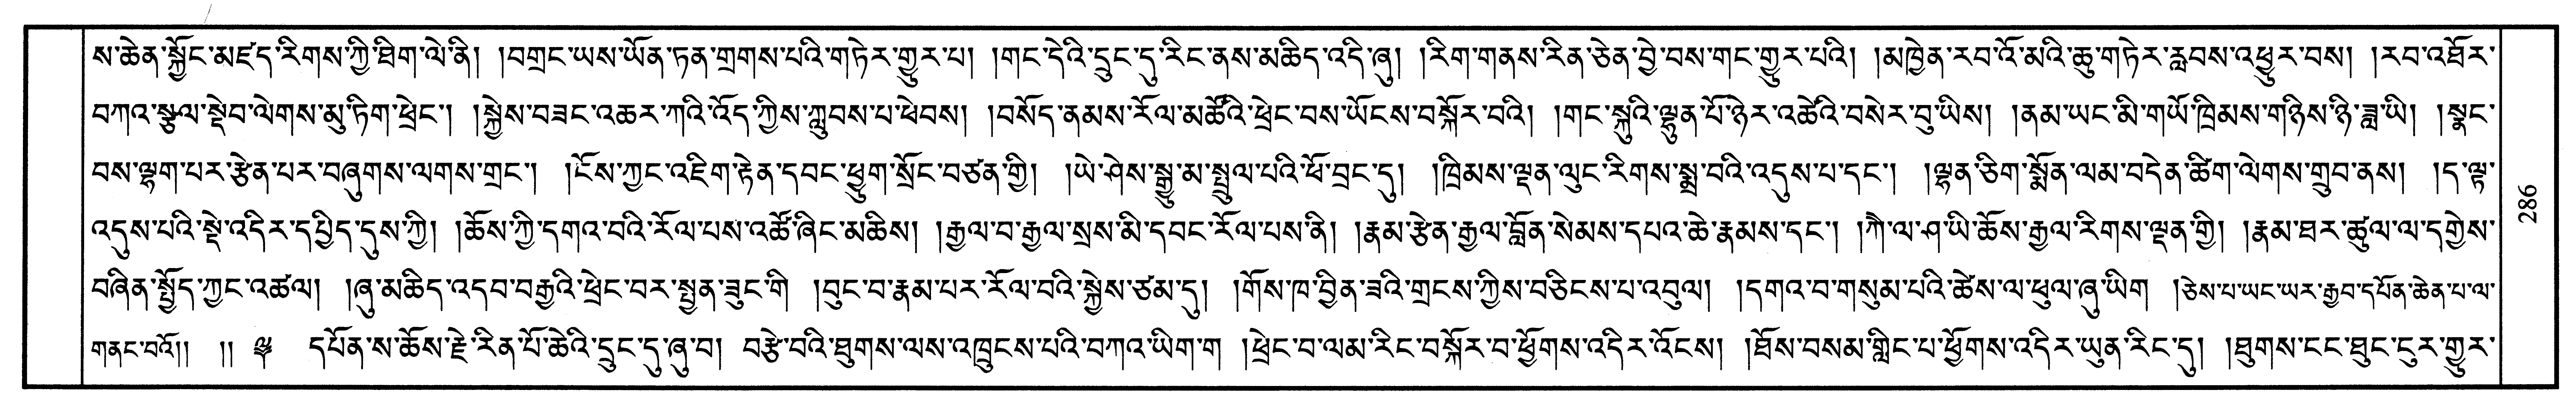ས་ཆེན་སྐྱོང་མཛད་རིགས་ཀྱི་ཐིག་ལེ་ནི། །བགྲང་ཡས་ཡོན་ཏན་གྲགས་པའི་གཏེར་གྱུར་པ། །གང་དེའི་དྲུང་དུ་རིང་ནས་མཆིད་འདི་ཞུ། །རིག་གནས་རིན་ཅེན་བྱེ་བས་གང་གྱུར་པའི། །མཁྱེན་རབ་འོ་མའི་ཆུ་གཏེར་རླབས་འཕྱུར་བས། །རབ་འཐོར་
བཀའ་སྩལ་སྡེབ་ལེགས་མུ་ཏིག་ཕྲེང་། །སྐྱེས་བཟང་འཆར་ཀའི་འོད་ཀྱིས་ཀླུབས་པ་ཕེབས། །བསོད་ནམས་རོལ་མཚོའི་ཕྲེང་བས་ཡོངས་བསྐོར་བའི། །གང་སྐུའི་ལྷུན་པོ་ཉེར་འཚེའི་བསེར་བུ་ཡིས། །ནམ་ཡང་མི་གཡོ་ཁྲིམས་གཉིས་ཉི་ཟླ་ཡི། །སྣང་
བས་ལྷག་པར་རྩེན་པར་བཞུགས་ལགས་གྲང་། །ངོས་ཀྱང་འཇིག་རྟེན་དབང་ཕྱུག་སྲོང་བཙན་གྱི། །ཡེ་ཤེས་སྒྱུ་མ་སྤྲུལ་པའི་ཕོ་བྲང་དུ། །ཁྲིམས་ལྡན་ལུང་རིགས་སྨྲ་བའི་འདུས་པ་དང་། །ལྷན་ཅིག་སྨོན་ལམ་བདེན་ཚིག་ལེགས་གྲུབ་ནས། །ད་ལྟ་
འདུས་པའི་སྡེ་འདིར་དཔྱིད་དུས་ཀྱི། །ཆོས་ཀྱི་དགའ་བའི་རོལ་པས་འཚོ་ཞིང་མཆིས། །རྒྱལ་བ་རྒྱལ་སྲས་མི་དབང་རོལ་པས་ནི། །རྣམ་རྩེན་རྒྱལ་བློན་སེམས་དཔའ་ཆེ་རྣམས་དང་། །ཀཻ་ལ་ཤ་ཡི་ཆོས་རྒྱལ་རིགས་ལྡན་གྱི། །རྣམ་ཐར་ཚུལ་ལ་དགྱེས་
བཞིན་སྤྱོད་ཀྱང་འཚལ། །ཞུ་མཆིད་འདབ་བརྒྱའི་ཕྲེང་བར་སྤྱན་ཟུང་གི །བུང་བ་རྣམ་པར་རོལ་བའི་སྐྱེས་ཙམ་དུ། །གོས་ཁ་བྱིན་ཟའི་གྲངས་ཀྱིས་བཅིངས་པ་འབུལ། །དགའ་བ་གསུམ་པའི་ཚེས་ལ་ཕུལ་ཞུ་ཡིག །ཅེས་པ་ཡང་ཡར་རྒྱབ་དཔོན་ཆེན་པ་ལ་
གནང་བའོ།། །། ༈ དཔོན་ས་ཆོས་རྗེ་རིན་པོ་ཆེའི་དྲུང་དུ་ཞུ་བ། བརྩེ་བའི་ཐུགས་ལས་འཁྲུངས་པའི་བཀའ་ཡིག་ག །ཕྲེང་བ་ལམ་རིང་བསྐོར་བ་ཕྱོགས་འདིར་འོངས། །ཐོས་བསམ་གླིང་པ་ཕྱོགས་འདིར་ཡུན་རིང་དུ། །ཐུགས་ངང་ཐུང་ངུར་གྱུར་